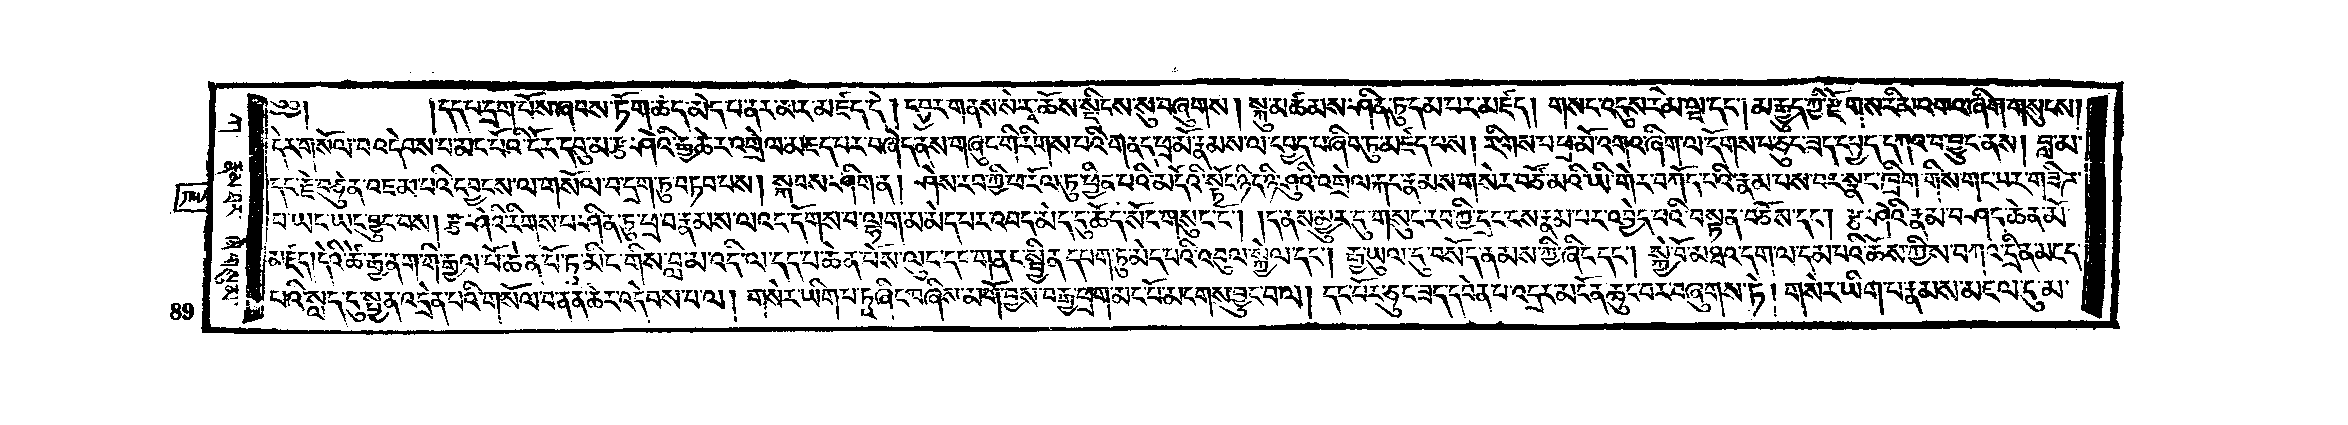༄༅། །དད་པ་དྲག་པོས་ཞབས་ཏོག་ཚད་མེད་པ་ནར་མར་མཛད་དེ། དབྱར་གནས་སེ་རྭ་ཆོས་སྡིངས་སུ་བཞུགས། སྐུ་མཚམས་ཤིན་ཏུ་དམ་པར་མཛད། གསང་འདུས་རིམ་ལྔ་དང་། མ་རྒྱུད་ཀྱི་རྫོགས་རིམ་འགའ་ཞིག་གསུངས།
དེར་གསོལ་བ་འདེབས་པ་མང་པོའི་ངོར་དབུ་མ་རྩ་ཤེའི་རྒྱ་ཆེར་འགྲེལ་མཛད་པར་བཞེད་ནས་གཞུང་གི་རིགས་པའི་གནད་ཕྲ་མོ་རྣམས་ལ་དཔྱད་པ་ཞིབ་ཏུ་མཛད་པས། རིགས་པ་ཕྲ་མོ་འགའ་ཞིག་ལ་དོགས་པ་ཅུང་ཟད་དཔྱད་དཀའ་བ་བྱུང་ནས། བླ་མ་
དང་རྗེ་བཙུན་འཇམ་པའི་དབྱངས་ལ་གསོལ་བ་དྲག་ཏུ་བཏབ་པས། སྐབས་ཤིག་ན། ཤེས་རབ་ཀྱི་ཕ་རོལ་ཏུ་ཕྱིན་པའི་མདོའི་སྟོང་ཉིད་ཉི་ཤུའི་འགྲེལ་རྐང་རྣམས་གསེར་བཙོ་མའི་ཡི་གེར་བཀོད་པའི་རྣམ་པས་བར་སྣང་ཁྲིག་གིས་གང་པར་གཟིཌ་
པ་ཡང་ཡང་བྱུང་བས། རྩ་ཤེའི་རིགས་པ་ཤིན་ཏུ་ཕྲ་བ་རྣམས་ལའང་དོགས་པ་ལྷག་མ་མེད་པར་འབད་མེད་དུ་ཆོད་སོང་གསུང་ངོ། །ད་ནས་མྱུར་དུ་གསུང་རབ་ཀྱི་དྲང་ངས་རྣམ་པར་འབྱེད་པའི་བསྟན་བཅོས་དང་། རྩ་ཤེའི་རྣམ་བཤད་ཆེན་མོ་
མཛད། དེའི་ཚེ་རྒྱ་ནག་གི་རྒྱལ་པོ་ཆེན་པོ་ཏུ་མིང་གིས་བླ་མ་འདི་ལ་དད་པ་ཆེན་པོས་ལུང་དང་གནང་སྦྱིན་དཔག་ཏུ་མེད་པའི་འབུལ་སྐྱེལ་དང་། རྒྱ་ཡུལ་དུ་བསོད་ནམས་ཀྱི་ཞིང་དང་། སྐྱེ་བོ་མཐའ་དག་ལ་དམ་པའི་ཆོས་ཀྱིས་བཀའ་དྲིན་མཛད་?
པའི་སླད་དུ་སྤྱན་འདྲེན་པའི་གསོལ་བ་ནན་ཆེར་འདེབས་པ་ལ། གསེར་ཡིག་པ་ཏཱ་ཞིང་བཞིས་མགོ་བྱས་བརྒྱ་ཕྲག་མང་པོ་མངགས་བྱུང་བ་ལ། དང་པོར་ཅུང་ཟད་དབེན་པ་འདྲར་མངོན་ཆུང་བར་བཞུགས་ཏེ། གསེར་ཡིག་པ་རྣམས་མཇལ་དུ་མ་